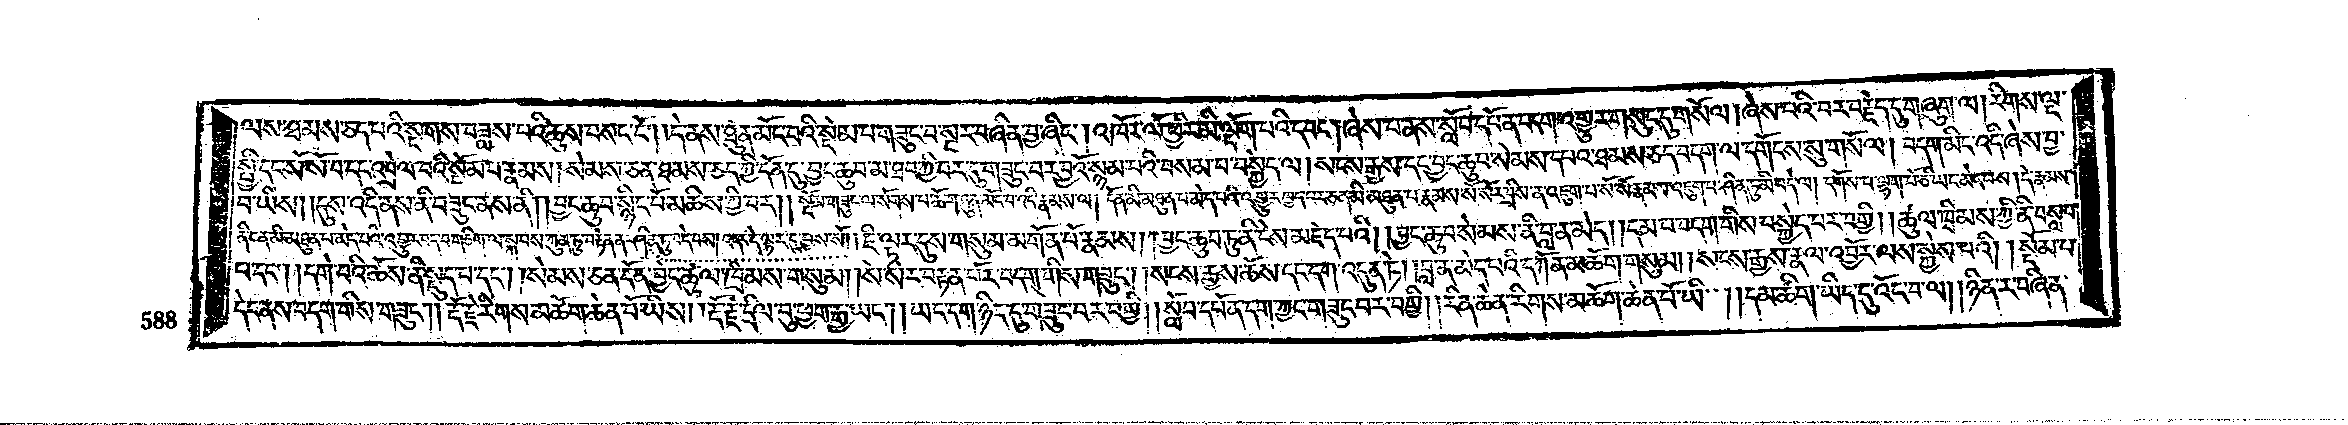ལས་ཐམས་ཅད་པའི་སྔགས་བཟླས་པའི་ཆུས་བསང་ངོ། །དེ་ནས་ཐུན་མོང་བའི་སྡེམ་པ་གཟུང་བ་སྔར་བཞིན་བྱ་ཞིང་། འཁོར་ལོ་ཕྱིར་མི་ལྡོག་པའི་དབང་། ཞེས་པ་ནས་སློབ་དཔོན་བདག་འགྱུར་གསུང་དུ་གསོལ། ཞེས་པའི་བར་བརྗེད་དུ་གཞུག་ལ། རིགས་ལྔ་
སྤྱི་དང་སོ་སོ་བ་དང་འབྲེལ་བའི་སྡོམ་པ་རྣམས། སེམས་ཅན་ཐམས་ཅད་ཀྱི་དོན་དུ་བྱང་ཆུབ་མ་ཐབ་ཀྱི་བར་དུ་གཟུང་བར་བྱའོ་སྙམ་པའི་བསམ་པ་བསྐྱེད་ལ། སངས་རྒྱས་དང་བྱང་ཆུབ་སེམས་དཔའ་ཐམས་ཅད་བདག་ལ་དགོངས་སུ་གསོལ། བདག་མིང་འདི་ཞེས་བྱ་
བ་ཡིས། །དུས་འདི་ནས་ནི་བཟུང་ནས་ནི། །བྱང་ཆུབ་སྙིང་པོ་མཆིས་ཀྱི་བར། །སྡོམ་གཟུང་ལ་སོགས་པ་ཆོ་ག་ཐུན་མོང་བ་འདི་རྣམས་ལ། དོན་མི་མཐུན་པ་མེད་པའི་འགྱུར་ཁྱད་པར་ཅན་མི་མཐུན་པ་རྣམས་སོ་སོར་བྲིས་ན་འཇུག་པ་སོ་སོ་རྣམས་འཇུག་པ་ཤིན་ཏུ་མི་བདེ་ལ། དགོས་པ་ལྷག་པོ་ཅི་ཡང་མེད་པས། དེ་རྣམས་
ནི་ངན་?་མི་མཐུན་པ་མེད་པའི་འགྱུར་བདེ་བ་གཅིག་ལ་སྐབས་ཀུན་ཏུ་བརྟེན་ན་ཤིན་ཏུ་བདེ་བས། འདིར་?་དེ་ལྟར་དུ་བྱས་སོ། །ཇི་ལྟར་དུས་གསུམ་མགོན་པོ་རྣམས། །བྱང་ཆུབ་ཏུ་ནི་ངེས་མཛད་པའི། །བྱང་ཆུབ་སེམས་ནི་བླ་ན་མེད། །དམ་པ་བདག་གིས་བསྐྱེད་པར་བགྱི། །ཚུལ་ཁྲིམས་ཀྱི་ནི་བསླབ་
པ་དང་། །དགེ་བའི་ཆོས་ནི་སྡུད་པ་དང་། །སེམས་ཅན་དོན་བྱེད་ཚུལ་ཁྲིམས་གསུམ། །སོ་སོར་བརྟན་པོར་བདག་གིས་གཟུང་། །སངས་རྒྱས་ཆོས་དང་དག་འདུན་ཏེ། །བླ་ན་མེད་པའི་དཀོན་མཆོག་གསུམ། །སངས་རྒྱས་རྣལ་འབྱོར་ལས་སྐྱེས་པའི། །སྡོམ་པ་
དེང་ནས་བདག་གིས་གཟུང་། །རྡོ་རྗེ་རིགས་མཆོག་ཆེན་པོ་ཡིས། །རྡོ་རྗེ་དྲིལ་བུ་ཕྱག་རྒྱ་ཡང་། །ཡང་དག་ཉིད་དུ་གཟུང་བར་བགྱི། །སློབ་དཔོན་དག་ཀྱང་གཟུང་བར་བགྱི། །རིན་ཆེན་རིགས་མཆོག་ཆེན་པོ་ཡི། །དམ་ཚིག་ཡིད་དུ་འོང་བ་ལ། །ཉིན་རེ་བཞིན་